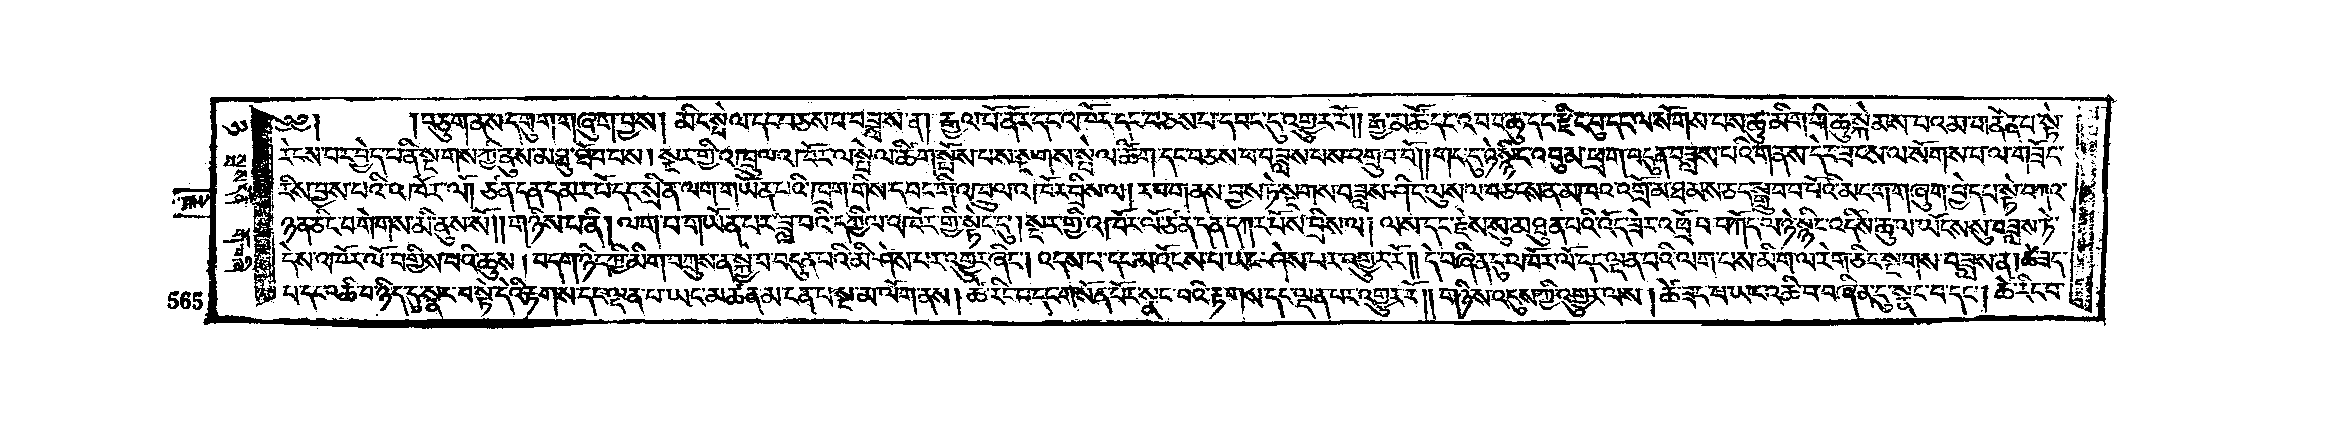༄༅། །བཅུག་ནས་དགུག་གཞུག་བྱས། མིང་སྤེལ་དང་བཅས་པ་བཟླས་ན། རྒྱལ་པོ་ནོར་དང་འཁོར་དང་བཅས་པ་དབང་དུ་འགྱུར་རོ། །རྒྱ་མཚོ་དང་འབབ་ཆུ་དང་རྫིང་བུ་དང་ལ་སོགས་པས་ཆུ་མིག་གི་ཆུ་སྐེམས་པའམ་གནོན་པ་སྟེ་
རེངས་པར་བྱེད་པ་ནི་སྔགས་ཀྱི་ནུས་མཐུ་ཐོབ་པས། སྔར་གྱི་འཁྲུལ་འཁོར་ལ་སྤེལ་ཚིག་སྤོས་པས་སྔགས་སྤེལ་ཚིག་དང་བཅས་པ་བཟླས་པས་འགྲུབ་བོ། །གང་དུ་ཉེ་སྙིང་འབུམ་ཕྲག་བདུན་བཟླས་པའི་གནས་དེར་ཟངས་ལ་སོགས་པ་ལ་གཟོད་
རིས་བྱས་པའི་འཁོར་ལོ། ཙན་དན་དམར་པོ་དང་སྲིན་ལག་གཡོན་པའི་ཁྲག་གིས་དབང་གི་འཁྲུལ་འཁོར་བྲིས་ལ། རབ་གནས་བྱས་ཏེ་སྔགས་བཟླས་ཤིང་ལུས་ལ་བཅངས་ནམ་མཁའ་འགྲོ་མ་ཐམས་ཅད་སྒྲུབ་པ་པོའི་མངག་གཞུག་བྱེད་པ་སྟེ་བཀའ་
ཉན་ཅིང་བགེགས་མི་ནུས་སོ། །གཉིས་པ་ནི། ལག་པ་གཡོན་པར་ཟླ་བའི་དཀྱིལ་འཁོར་གྱི་སྟེང་དུ། སྔར་གྱི་འཁོར་ལོ་ཙན་དན་དཀར་པོས་བྲིས་ལ། ལས་དང་རྗེས་སུ་མཐུན་པའི་འོད་ཟེར་འཕྲོ་བ་བཀོད་ལ་ཉེ་སྙིང་འདིས་ཆུ་ལ་ཡོངས་སུ་བཟླས་ཏེ་
དེས་འཁོར་ལོ་བགྱིས་པའི་ཆུས། བདག་ཉིད་ཀྱི་མིག་བཀྲུས་ན་སྐྱེ་བ་བདུན་པའི་མི་ཤེས་པར་འགྱུར་ཞིང་། འདས་པ་དང་མ་འོངས་པ་ཡང་ཤེས་པར་འགྱུར་རོ། །དེ་བཞིན་དུ་འཁོར་ལོ་དང་ལྡན་པའི་ལག་པས་མིག་ལ་རེག་ཅིང་སྔགས་བཟླས་ན། ཚེ་ཟད་
པ་དང་འཆི་བ་ཉིད་དུ་སྣང་བ་སྟེ་དེའི་རྟགས་དང་ལྡན་པ་ཡང་མཚན་མ་ངན་པ་སྔ་མ་ལོག་ནས། ཚེ་རིང་བ་དང་གསོན་པོར་སྣང་བའི་རྟགས་དང་ལྡན་པར་འགྱུར་རོ། །གཉིས་འདུས་ཀྱི་འགྱུར་ལས། ཚེ་ཟད་པ་ཡང་འཆི་བ་བཞིན་དུ་སྣང་བ་དང་། ཚེ་རིང་བ་